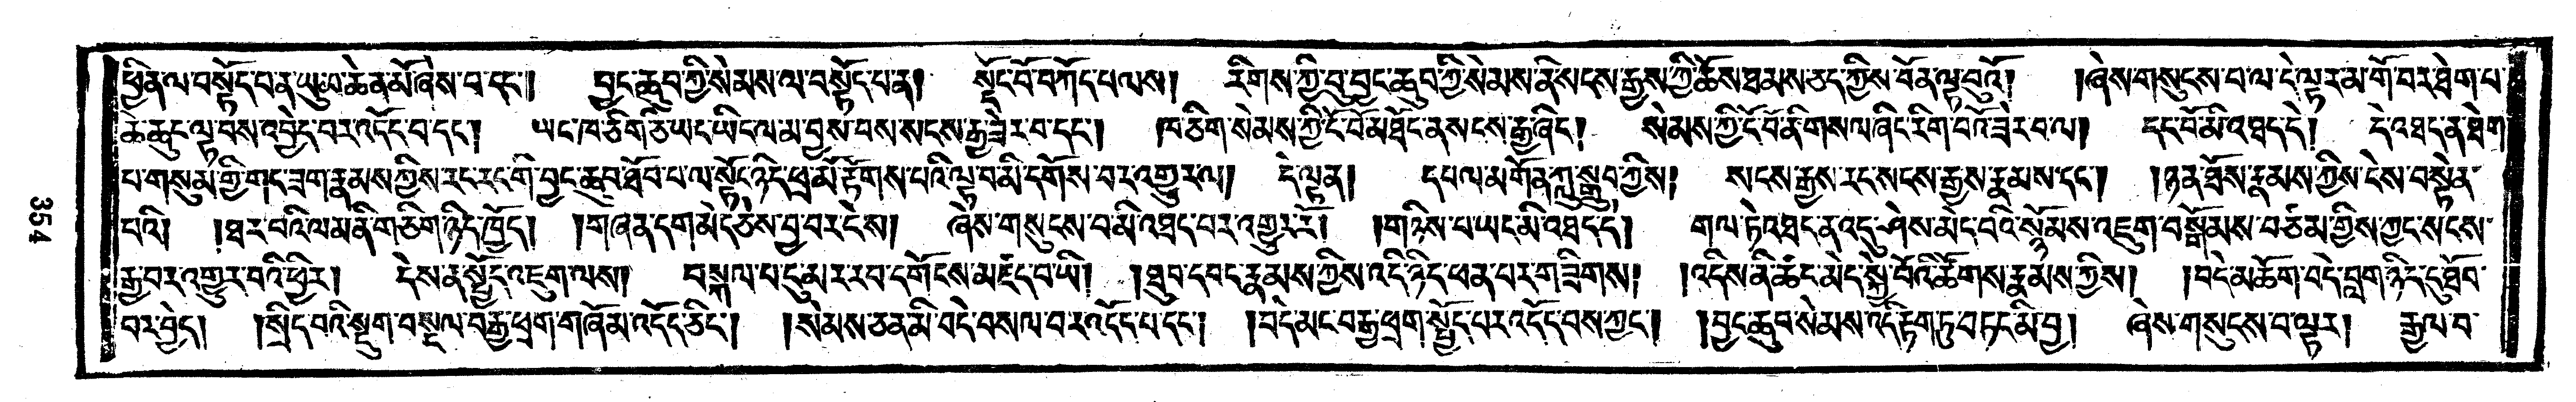ཕྱིན་ལ་བསྟོད་པ་ན་ཡུམ་ཆེན་མོ་ཞེས་བ་དང་། བྱང་ཆུབ་ཀྱི་སེམས་ལ་བསྟོད་པ་ན། སྡོང་བོ་བཀོད་པ་ལས། རིགས་ཀྱི་བུ་བྱང་ཆུབ་ཀྱི་སེམས་ནི་སངས་རྒྱས་ཀྱི་ཆོས་ཐམས་ཅད་ཀྱི་ས་བོན་ལྟ་བུའོ། །ཞེས་གསུངས་པ་ལ་དེ་ལྟར་མགོ་བར་ཐེག་པ་
ཆེ་ཆུང་ལྟ་བས་འབྱེད་བར་འདོད་བ་དང་། ཡང་ཁ་ཅིག་ཅི་ཡང་ཡིད་ལ་མ་བྱས་བས་སངས་རྒྱ་ཟེར་བ་དང་། ཁ་ཅིག་སེམས་ཀྱི་ངོ་བོ་མཐོང་ན་སངས་རྒྱ་ཞིང་། སེམས་ཀྱི་ངོ་བོ་ནི་གསལ་ཞིང་རིག་བའོ་ཟེར་བ་ལ། དང་བོ་མི་འཐད་དེ། དེ་འཐད་ན་ཐེག་
པ་གསུམ་གྱི་གང་ཟག་རྣམས་ཀྱིས་རང་རང་གི་བྱང་ཆུབ་ཐོབ་པ་ལ་སྟོང་ཉིད་ཕྲ་མོ་རྟོགས་པའི་ལྟ་བ་མི་དགོས་བར་འགྱུར་ལ། དེ་ལྟན། དཔལ་མགོན་ཀླུ་སྒྲུབ་ཀྱིས། སངས་རྒྱས་རང་སངས་རྒྱས་རྣམས་དང་། །ཉན་ཐོས་རྣམས་ཀྱིས་ངེས་བསྟེན་
པའི། །ཐར་བའི་ལམ་ནི་གཅིག་ཉིད་ཁྱོད། །གཞན་དག་མེད་ཅེས་བྱ་བར་ངེས། ཞེས་གསུངས་བ་མི་འཐད་པར་འགྱུར་རོ། །གཉིས་པ་ཡང་མི་འཐད་དེ། གལ་ཏེ་འཐད་ན་འདུ་ཤེས་མེད་བའི་སྙོམས་འཇུག་བསྒོམས་བཙམ་གྱིས་ཀྱང་སངས་
རྒྱ་བར་འགྱུར་བའི་ཕྱིར། དེས་ན་སྤྱོད་འཇུག་ལས། བསྐལ་པ་དུ་མར་རབ་དགོངས་མཛད་བ་ཡི། །ཐུབ་དབང་རྣམས་ཀྱིས་འདི་ཉིད་ཕན་པར་གཟིགས། །འདིས་ནི་ཚང་མེད་སྐྱེ་བོའི་ཚོགས་རྣམས་ཀྱིས། །བདེ་མཆོག་བདེ་བླག་ཉིད་དུ་ཐོབ་
བར་བྱེད། །སྲིད་བའི་སྡུག་བསྔལ་བརྒྱ་ཕྲག་གཞོམ་འདོད་ཅིང་། །སེམས་ཅན་མི་བདེ་བསལ་བར་འདོད་པ་དང་། །བདེ་མང་བརྒྱ་ཕྲག་སྤྱོད་པར་འདོད་བས་ཀྱང་། །བྱང་ཆུབ་སེམས་འདི་རྟག་ཏུ་བཏང་མི་བྱ། ཞེས་གསུངས་བ་ལྟར། རྒྱལ་བ་